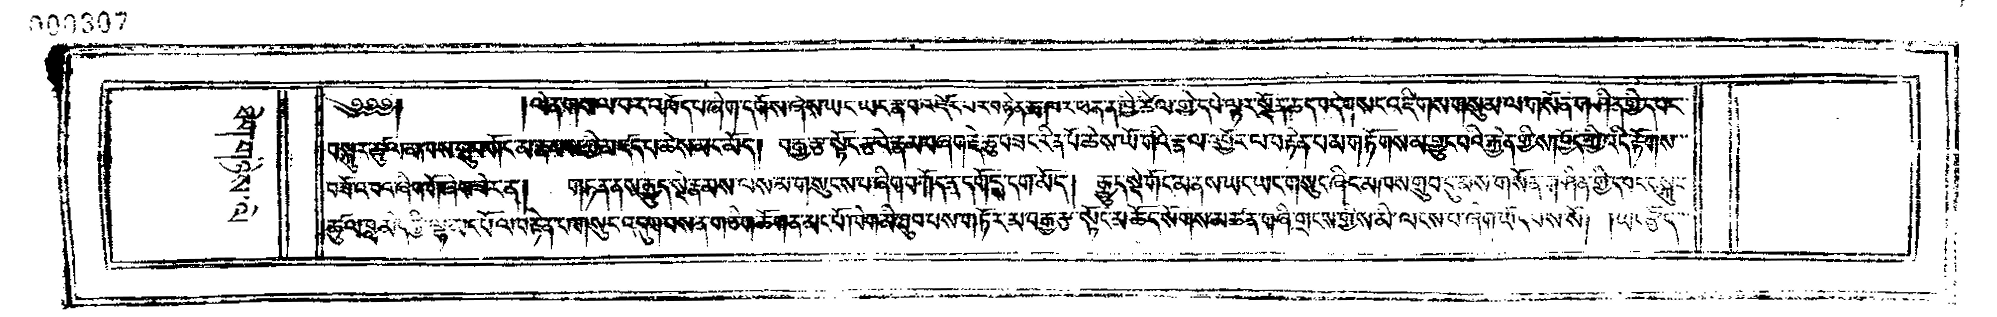༄༅༅། །ལེན་གསལ་བར་འཁོད་པ་ཞིག་དགོས་ཞེས་ཡང་ཡང་རྣ་བ་འཛེར་བར་བརྟེན་རྨ་ཁར་ཕན་ན་ཁྱི་ཚེལ་གྱི་དཔེ་ལྟར་སྔོན་ཆད་བདེ་གསང་འཇིགས་གསུམ་ལ་གསོན་གཤིན་གྱི་དབང་
བསྐུར་ཚུལ་མཁས་གྲུབ་གོང་མ་རྣམས་ཀྱི་མཛད་པ་ཆེས་མང་མོད། བརྒྱ་རྩ་སྟོང་རྩའི་རྣམ་བཞག་རྗེ་ཆུ་བཟང་རིན་པོ་ཆེས་ཡོ་གའི་རྣལ་འབྱོར་ལ་བརྟེན་པ་མ་གཏོགས་མ་བྱུང་བའི་རྐྱེན་གྱིས་ཁྱོད་ཀྱི་འདི་རྟོགས་
བཟོ་འབའ་ཞིག་གོ་ཞེས་ཟེར་ན། གཏན་ནས་རྒྱུད་སྡེ་རྣམས་ལས་མ་གསུངས་པ་ཞིག་བཀོད་ན་དགོངས་དག་མོད། རྒྱུད་སྡེ་གོང་མ་ནས་ཡང་ཡང་གསུང་ཞིང་མཁས་གྲུབ་དུ་མས་གསོན་གཤིན་གྱི་དབང་བསྐུར་
ཚུལ་བླ་མེད་ཀྱི་ལྷ་མང་པོ་ལ་བརྟེན་པ་གསུང་འདུག་བས་ན་གཅིག་ཆོག་ན་མང་པོ་ཁེག་མི་ཐུབ་པས་གཏོར་མ་བརྒྱ་རྩ་སྟོང་མཆོད་སོགས་མཚན་གཞི་གྲངས་གྱིས་མི་ལངས་པ་ཞིག་ཡོད་པས་སོ། །ཡང་རྩོད་